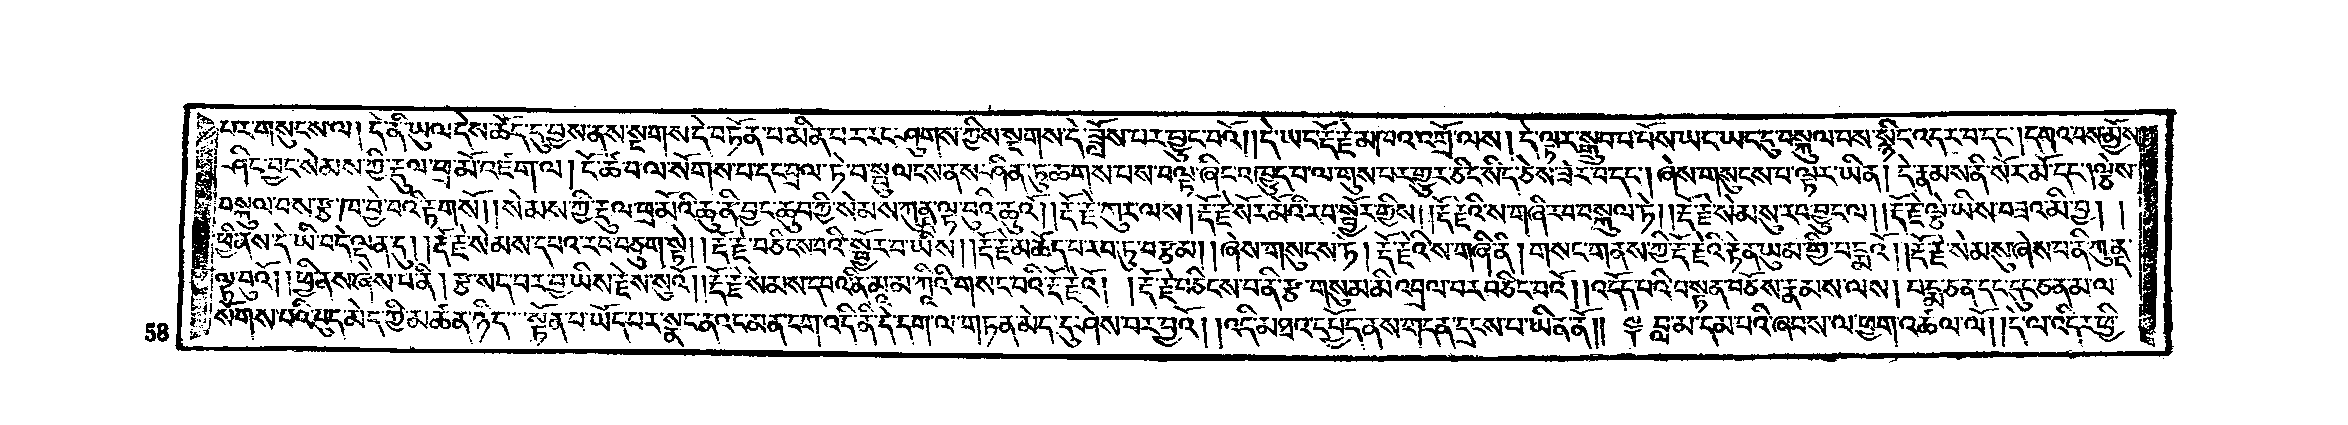པར་གསུངས་ལ། དེ་ནི་ཡུལ་དེས་ཆེད་དུ་བྱས་ནས་སྔགས་དེ་བཏོན་པ་མིན་པར་རང་ཤུགས་ཀྱིས་སྔགས་དེ་ཟློས་པར་བྱུང་བའོ། །དེ་ཡང་རྡོ་རྗེ་མཁའ་འགྲོ་ལས། དེ་ལྟར་སྒྲུབ་པ་པོས་ཡང་ཡང་དུ་བསྐུལ་བས་སྙིང་འདར་བ་དང་། དགའ་བས་མྱོས་
ཤིང་བྱང་སེམས་ཀྱི་རྡུལ་ཕྲ་མོ་འཛག་ལ། ངོ་ཚ་བ་ལ་སོགས་པ་དང་བྲལ་ཏེ་བ་སྤུ་ལངས་ནས་ཤིན་ཏུ་ཆགས་པས་བལྟ་ཞིང་འཁྱུད་པ་ལ་གུས་པར་གྱུར་ཅིང་སིད་ཅེས་ཟེར་བ་དང་། ཞེས་གསུངས་པ་ལྟར་ཡིན། དེ་རྣམས་ནི་སོར་མོ་དང་། ལྕེས་
བསྐུལ་བས་རྩ་ཁ་བྱེ་བའི་རྟགས་སོ། །སེམས་ཀྱི་རྡུལ་ཕྲ་མོའི་ཆུ་ནི་བྱང་ཆུབ་ཀྱི་སེམས་ཀུནྡ་ལྟ་བུའི་ཆུའོ། །རྡོ་རྗེ་གུར་ལས། རྡོ་རྗེ་སོར་མོའི་རབ་སྦྱོར་གྱིས། །རྡོ་རྗེའི་ས་གཞི་རབ་བསྐུལ་ཏེ། །རྡོ་རྗེ་སེམས་སུ་རབ་བྱུང་ལ། །རྡོ་རྗེ་ལྕེ་ཡིས་བཟའ་མི་བྱ། །
ཕྱི་ནས་དེ་ཡི་བདེ་ལྡན་དུ། །རྡོ་རྗེ་སེམས་དཔའ་རབ་བཅུག་སྟེ། །རྡོ་རྗེ་བཅིངས་བའི་སྦྱོར་བ་ཡིས། །རྡོ་རྗེ་མཆོད་པ་རབ་ཏུ་བརྩམ། །ཞེས་གསུངས་ཏེ། རྡོ་རྗེའི་ས་གཞི་ནི། གསང་གནས་ཀྱི་རྡོ་རྗེའི་རྟེན་ཡུམ་གྱི་པདམའོ། །རྡོ་རྗེ་སེམས་སུ་ཞེས་པ་ནི་ཀུནྡ་
ལྟ་བུའོ། །ཕྱི་ནས་ཞེས་པ་ནི། རྩ་སད་པར་བྱ་ཡིས་རྗེས་སུའོ། །རྡོ་རྗེ་སེམས་དཔའ་ནི་མཱ་མ་ཀཱིའི་གསང་བའི་རྡོ་རྗེའོ། །རྡོ་རྗེ་བཅིངས་པ་ནི་རྩ་གསུམ་མི་འབྲལ་བར་བཅིང་བའོ། །འདོད་པའི་བསྟན་བཅོས་རྣམས་ལས། པདམ་ཅན་དང་དུང་ཅན་མ་ལ་
སོགས་བའི་བུད་མེད་ཀྱི་མཚན་ཉིད་སྟོན་པ་ཡོད་པར་སྣང་ནའང་མན་ངག་འདི་ནི་དེ་དག་ལ་གཏན་མེད་དུ་ཤེས་པར་བྱའོ། །འདི་མཐའ་དཔྱོད་ནས་གདན་དྲངས་པ་ཡིན་ནོ།། ༈ བླ་མ་དམ་པའི་ཞབས་ལ་ཕྱག་འཚལ་ལོ། །དེ་ལ་འདིར་ཕྱི་